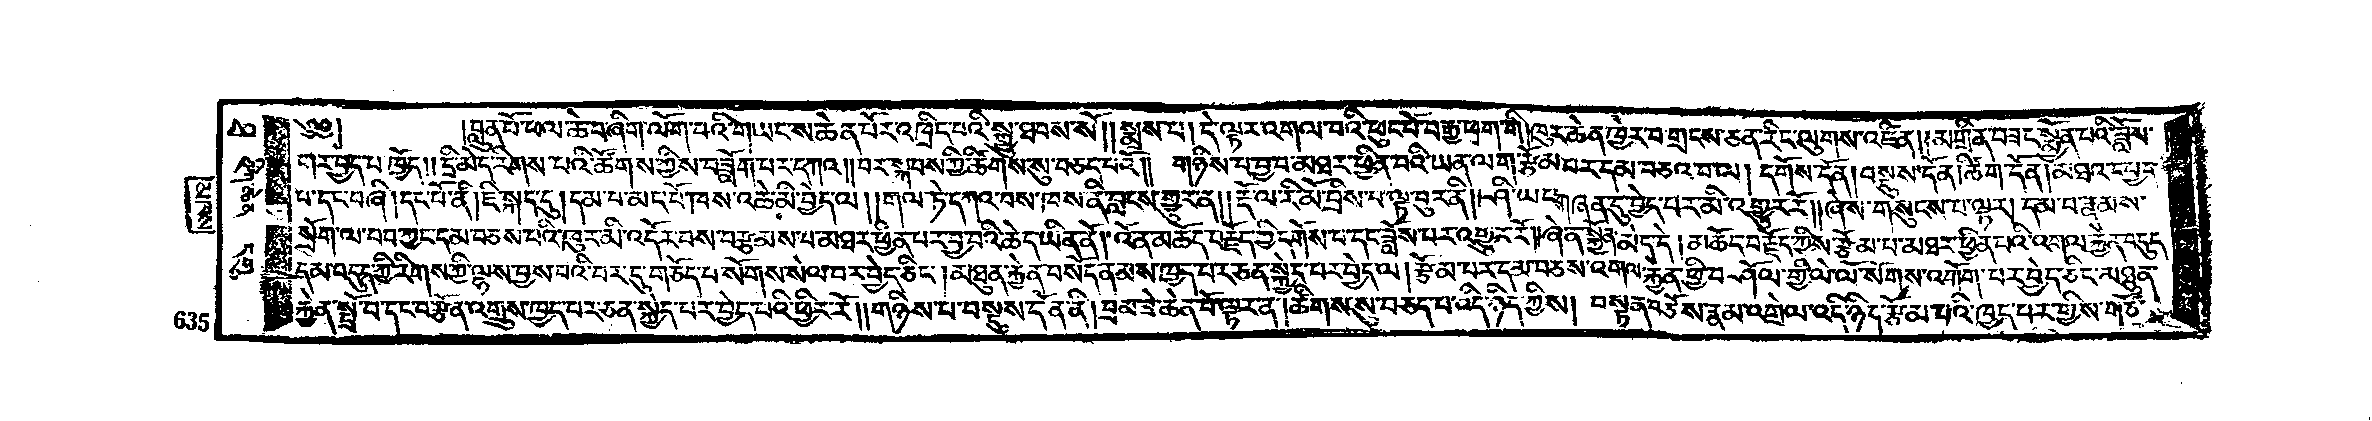༄༅། །བླུན་པོ་ཕལ་ཆེ་བ་ཞིག་ལོག་པའི་གྱང་ས་ཆེན་པོར་འཁྲིད་པའི་སྒྱུ་ཐབས་སོ། །སྨྲས་པ། དེ་ལྟར་འགལ་བའི་ཕུང་པོ་བརྒྱ་ཕྲག་གི། །ཁུར་ཆེན་ཁྱེར་བ་གྲངས་ཅན་རིང་ལུགས་འཛིན། །མགྲིན་བཟང་སྨྱོན་པའི་ཟློས་
གར་བྱེད་པ་ཁྱོད། །དྲི་མེད་རིགས་པའི་ཚོགས་ཀྱིས་བཟློག་པར་དཀའ། །བར་སྐབས་ཀྱི་ཚིགས་སུ་བཅད་པའོ། །གཉིས་པ་བྱ་བ་མཐར་ཕྱིན་པའི་ཡན་ལག་རྩོམ་པར་དམ་བཅའ་བ་ལ། དགོས་དོན། བསྡུས་དོན། ཚིག་དོན། མཐའ་དཔྱད་
པ་དང་བཞི། དང་པོ་ནི། ཇི་སྐད་དུ། དམ་པ་མང་པོ་ཁས་འཆེ་མི་བྱེད་ལ། །གལ་ཏེ་དཀའ་བས་ཁས་ནི་བླངས་གྱུར་ན། །རྡོ་ལ་རི་མོ་བྲིས་པ་ལྟ་བུར་ནི། །ཤི་ཡང་གཞན་དུ་བྱེད་པར་མི་འགྱུར་རོ། །ཞེས་གསུངས་པ་ལྟར། དམ་པ་རྣམས་སྲོག་ལ་བབ་ཀྱང་དམ་བཅས་པའི་ཁུར་མི་འདོར་བས་བརྩམས་པ་མཐར་ཕྱིན་པར་བྱ་བའི་ཆེད་ཡིན་ནོ། །འོ་ན་མཆོད་བརྗོད་ཀྱི་དགོས་པ་དང་ཟློས་པར་འགྱུར་རོ། །ཞེ་ན་སྐྱོན་མེད་དེ། མཆོད་བརྗོད་ཀྱིས་རྩོམ་པ་མཐར་ཕྱིན་པའི་འགལ་རྐྱེན་བདུད་
དམ་བདུད་ཀྱི་རིགས་ཀྱི་ལྷས་བྱས་པའི་བར་དུ་གཅོད་པ་སོགས་སེལ་བར་བྱེད་ཅིང་། མཐུན་རྐྱེན་བསོད་ནམས་ཁྱད་པར་ཅན་སྐྱེད་པར་བྱེད་ལ། རྩོམ་པར་དམ་བཅས་འགལ་རྐྱེན་ཕྱི་བཤོལ་གྱི་ལེ་ལོ་སོགས་འགོག་པར་བྱེད་ཅིང་མཐུན་
རྐྱེན་སྤྲོ་བ་དང་བརྩོན་འགྲུས་ཁྱད་པར་ཅན་སྐྱེད་པར་བྱེད་པའི་ཕྱིར་རོ། །གཉིས་པ་བསྡུས་དོན་ནི། བྲམ་ཟེ་ཆེན་པོ་ལྟར་ན། ཚིགས་སུ་བཅད་པ་འདི་ཉིད་ཀྱིས། བསྟན་བཅོས་རྣམ་འགྲེལ་འདི་ཉིད་རྩམ་པའི་ཁྱད་པར་གྱིས་གཙོ་